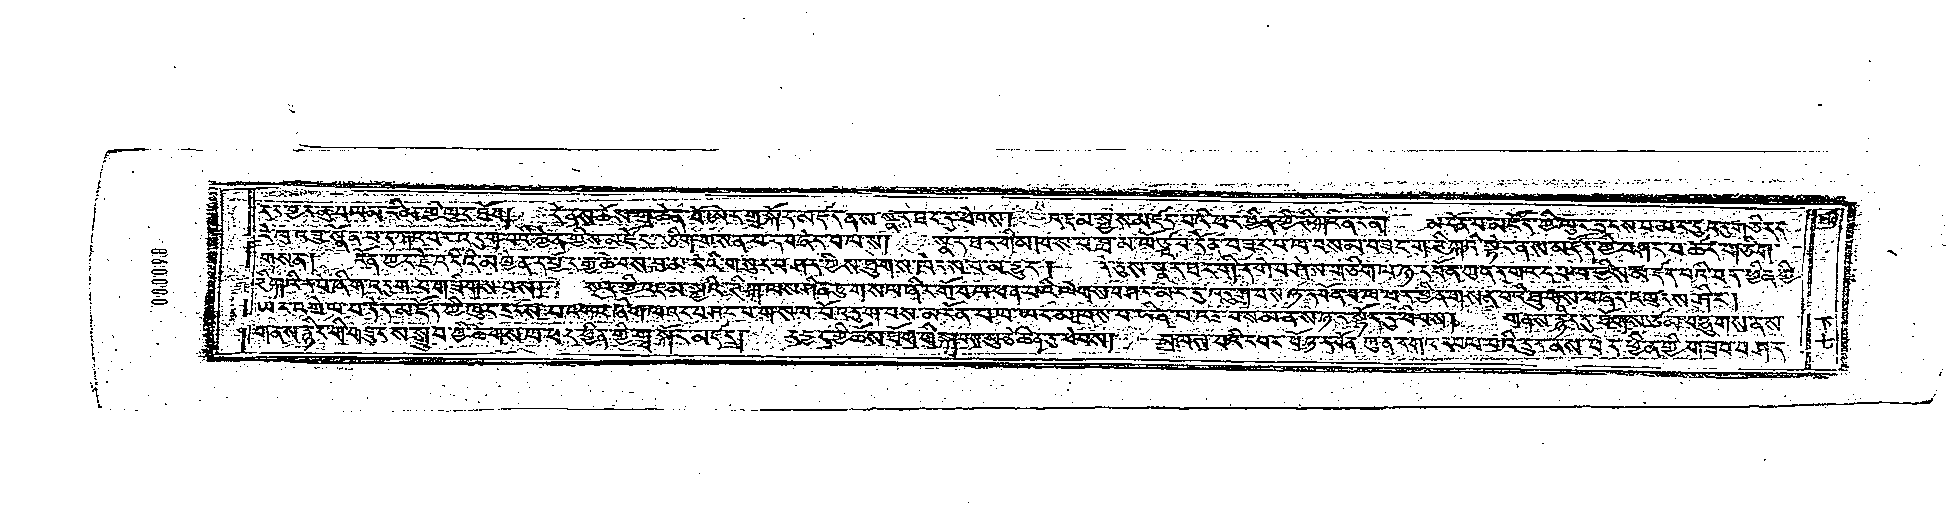དང་བྱང་ཆུབ་ལམ་རིམ་གྱི་ལྕང་ཐོབ། དེ་ནས་ཆོས་གརཝ་ཆེན་ཐོ་ཨེར་གྲྭ་སྐོར་མཛད་ནས་སྣད་ཐང་དུ་ཕེབས། འཇམ་སྐྱས་མཛད་བའི་ཕར་ཕྱིན་གྱི་ཊིཀྐའི་ནང་ན། མངོན་པ་མཛོད་ཀྱི་ལུང་དྲངས་པ་མང་དུ་འདུག་ཅི་དང་
དེ་ལ་འབྲུ་སྣོན་པ་དཀའ་བར་འདུག་པའི་རྐྱེན་གྱིས་མཛོད་ཅིག་གསན་པར་བཞེང་པ་ལས། སྣར་ཐར་གི་མཁས་བ་བླ་མ་ལོ་ཙཱ་བ་དོན་བཟང་བ་ལ་བསམ་བཟང་ག་ཊིཀྐའི་སྟེང་ནས་མཛོད་ཀྱི་བཤད་པ་ཚོར་གཅིག་
གསན། འོན་ཀྱང་རྗེ་འདིའི་མཁྱེན་དཔྱོད་རྒྱ་ཆེ་བས་བླ་མ་དེའི་གསུང་བཤད་ཀྱིས་ཐུགས་ཁེངས་པ་མ་བྱུང་། དེ་དུས་སྣར་ཐང་གི་དགེ་བཤེས་གཅིག་ལ་ཉ་དབོན་ཀུན་དགའ་དཔལ་གྱིས་མཛད་པའི་བར་ཕྱིན་གྱི་
རིཀྐའི་དཔེ་ཞིག་འདུག་པ་གཟིགས་པས། སྔར་གྱི་འཇམ་སྐྱའི་ཏིཀྐ་ལས་ཤིན་ཏུ་གསལ་ཞིང་གོ་བ་ལ་ཕན་པའི་ལེགས་བཤད་མང་དུ་འདུག་བས་ཉ་དབོན་པ་ལ་ཕར་ཕྱིན་གསང་པའི་ཐུགས་བཞེད་འཁྲུངས་ཤིང་།
ཡང་འགྲོལ་པ་དེར་མཛོད་ཀྱི་ལུང་དྲངས་པ་འགའ་ཞིག་ལའང་བཤད་པ་གསལ་པོ་འདུག་པས་མངོན་པ་ལ་ཡང་མཁས་པ་ཡིན་པ་འདྲ་བསམ་ནས་ཉང་སྟོད་དུ་འཕེབས། གནས་རྙེད་དུ་ཐོགས་ཙམ་བཞུགས་ནས་
གནས་རྙིང་གི་གཟུངས་སྒྲུབ་ཀྱི་ཚོགས་ལ་ཕར་ཕྱིན་གྱི་གྲྭ་སྐོར་མཛད། དབྱད་གྱི་ཆོས་ཐོག་གི་སྐབས་སུ་རྩེ་ཆེན་དུ་ཕེབས། མཁས་པའི་དབང་པོ་ཉ་དཔོན་ཀུན་དགའ་དཔལ་བའི་དྲུང་ནས་ཕར་ཕྱིན་གྱི་གཟབ་བཤད་